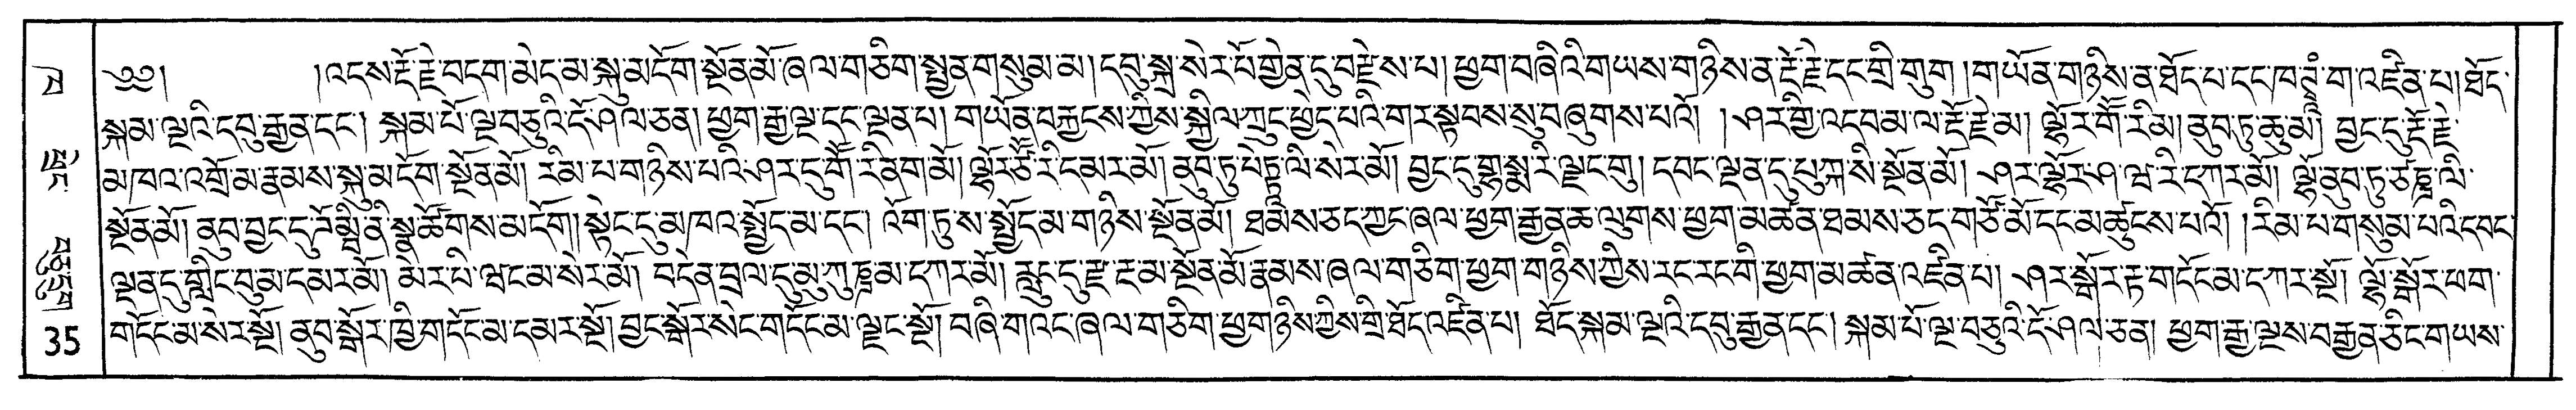༄༅། །འདས་རྡོ་རྗེ་བདག་མེད་མ་སྐུ་མདོག་སྔོན་མོ་ཞལ་གཅིག་སྤྱན་གསུམ་མ། དབུ་སྐྲ་སེར་པོ་གྱེན་དུ་བརྫེས་པ། ཕྱག་བཞིའི་གཡས་གཉིས་ན་རྡོ་རྗེ་དང་གྲི་གུག །གཡོན་གཉིས་ན་ཐོད་པ་དང་ཁ་ཊྭཱཾ་ག་འཛིན་པ། ཐོད་
སྐམ་ལྔའི་དབུ་རྒྱན་དང་། སྐམ་པོ་ལྔ་བཅུའི་དོ་ཤལ་ཅན། ཕྱག་རྒྱ་ལྔ་དང་ལྡན་པ། གཡོན་བརྐྱངས་ཀྱིས་སྐྱིལ་ཀྲུང་ཕྱེད་པའི་གར་སྟབས་སུ་བཞུགས་པའོ། །ཤར་གྱི་འདབ་མ་ལ་རྡོ་རྗེ་མ། ལྷོར་གཽ་རིམ། ནུབ་ཏུ་ཆུ་མ། བྱང་དུ་རྡོ་རྗེ་
མཁའ་འགྲོ་མ་རྣམས་སྐུ་མདོག་སྔོན་མོ། རིམ་པ་གཉིས་པའི་ཤར་དུ་གཽ་རི་ནག་མོ། ལྷོར་ཙཽ་རི་དམར་མོ། ནུབ་ཏུ་པེཏྟཱ་ལི་སེར་མོ། བྱང་དུ་གྷ་སྨ་རི་ལྗང་གུ། དབང་ལྡན་དུ་པུཀྐ་སི་སྔོན་མོ། ཤར་ལྷོར་ཤ་ཝ་རི་དཀར་མོ། ལྷོ་ནུབ་ཏུ་ཙཎྜ་ལི་
སྔོན་མོ། ནུབ་བྱང་དུ་ཌོམྦི་ནི་སྣ་ཚོགས་མདོག །སྟེང་དུ་མཁའ་སྤྱོད་མ་དང་། འོག་ཏུ་ས་སྤྱོད་མ་གཉིས་སྔོན་མོ། ཐམས་ཅད་ཀྱང་ཞལ་ཕྱག་རྒྱན་ཆ་ལུགས་ཕྱག་མཚན་ཐམས་ཅད་གཙོ་མོ་དང་མཚུངས་པའོ། །རིམ་པ་གསུམ་པའི་དབང་
ལྡན་དུ་གླིང་བུ་མ་དམར་མོ། མེར་པི་ཝང་མ་སེར་མོ། བདེན་བྲལ་དུ་མུ་ཀུཎྜ་མ་དཀར་མོ། རླུང་དུ་རྫ་རྔ་མ་སྔོན་མོ་རྣམས་ཞལ་གཅིག་ཕྱག་གཉིས་ཀྱིས་རང་རང་གི་ཕྱག་མཚན་འཛིན་པ། ཤར་སྒོར་རྟ་གདོང་མ་དཀར་སྔོ། ལྷོ་སྒོར་ཕག་
གདོང་མ་སེར་སྔོ། ནུབ་སྒོར་ཁྱི་གདོང་མ་དམར་སྔོ། བྱང་སྒོར་སེང་གདོང་མ་ལྗང་སྔོ། བཞི་གའང་ཞལ་གཅིག་ཕྱག་གཉིས་ཀྱིས་གྲི་ཐོད་འཛིན་པ། ཐོད་སྐམ་ལྔའི་དབུ་རྒྱན་དང་། སྐམ་པོ་ལྔ་བཅུའི་དོ་ཤལ་ཅན། ཕྱག་རྒྱ་ལྔས་བརྒྱན་ཅིང་གཡས་